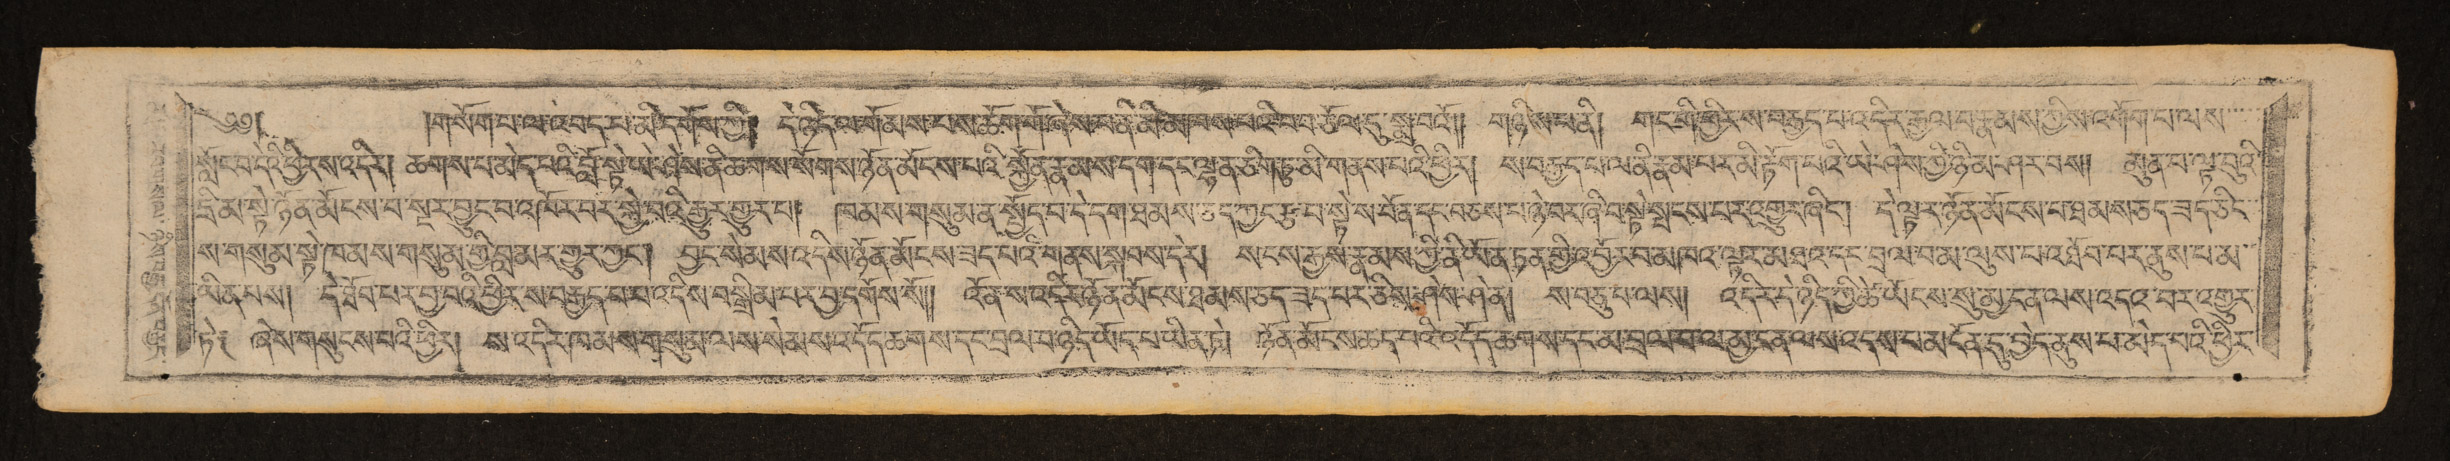༄༅། །གསོག་པ་ལ་འབད་པ་མི་དགོས་ཀྱི། དེ་ཉིད་ལ་གོམས་པས་ཆོག་གོ་ཞེས་པ་ནི་མི་མཁས་པའི་བབ་ཅོལ་དུ་སྨྲ་བའོ།། གཉིས་པ་ནི། གང་གི་ཕྱིར་ས་བརྒྱད་པ་འདིར་རྒྱལ་བ་རྣམས་ཀྱིས་འགོག་པ་ལས་
སློང་བ་དེའི་ཕྱིར་ས་འདིར། ཆགས་པ་མེད་པའི་བློ་སྟེ་ཡེ་ཤེས་ནི་ཆགས་སོགས་ཉོན་མོངས་པའི་སྐྱོན་རྣམས་དག་དང་ལྷན་ཅིག་ཏུ་མི་གནས་པའི་ཕྱིར། ས་བརྒྱད་པ་ལ་ནི་རྣམ་པར་མི་རྟོག་པའི་ཡེ་ཤེས་ཀྱི་ཉི་མ་ཤར་བས། མུན་པ་ལྟ་བུའི་
དྲི་མ་སྟེ་ཉོན་མོངས་པ་སྔར་བྱུང་བ་འཁོར་བར་སྐྱེ་བའི་རྒྱུར་གྱུར་པ། ཁམས་གསུམ་ན་སྤྱོད་པ་དེ་དག་ཐམས་ཅད་ཀྱང་རྩ་བ་སྟེ་ས་བོན་དང་བཅས་པ་ཉེ་བར་ཞི་བ་སྟེ་སྤངས་པར་འགྱུར་ཞིང་། དེ་ལྟར་ཉོན་མོངས་པ་ཐམས་ཅད་ཟད་ཅིང་
ས་གསུམ་སྟེ་ཁམས་གསུམ་གྱི་བླ་མར་གྱུར་ཀྱང་། བྱང་སེམས་འདིས་ཉོན་མོངས་ཟད་པའི་གནས་སྐབས་དེར། སངས་རྒྱས་རྣམས་ཀྱི་ནི་ཡོན་ཏན་གྱི་འབྱོར་བ་མཁའ་ལྟར་མཐའ་དང་བྲལ་བ་མ་ལུས་པ་འཐོབ་པར་ནུས་པ་མ་
ཡིན་པས། དེ་ཐོབ་པར་བྱ་བའི་ཕྱིར་ས་བརྒྱད་པ་བ་འདིས་བསྒྲིམ་པར་བྱ་དགོས་སོ།། འོ་ན་ས་འདིར་ཉོན་མོངས་ཐམས་ཅད་ཟད་པར་ཅིས་ཤེས་ཤེ་ན། ས་བཅུ་པ་ལས། འདིར་དེ་ཉིད་ཀྱི་ཚེ་ཡོངས་སུ་མྱ་ངན་ལས་འདའ་བར་འགྱུར་
ཏེ༑ ཞེས་གསུངས་པའི་ཕྱིར། ས་འདིར་ཁམས་གསུམ་ལས་སེམས་འདོད་ཆགས་དང་བྲལ་བ་ཉིད་ཡོད་པ་ཡིན་ཏེ། ཉོན་མོངས་ཆད་པའི་འདོད་ཆགས་དང་མ་བྲལ་བ་ལ་མྱ་ངན་ལས་འདས་པ་མངོན་དུ་བྱེད་ནུས་པ་མེད་པའི་ཕྱིར་